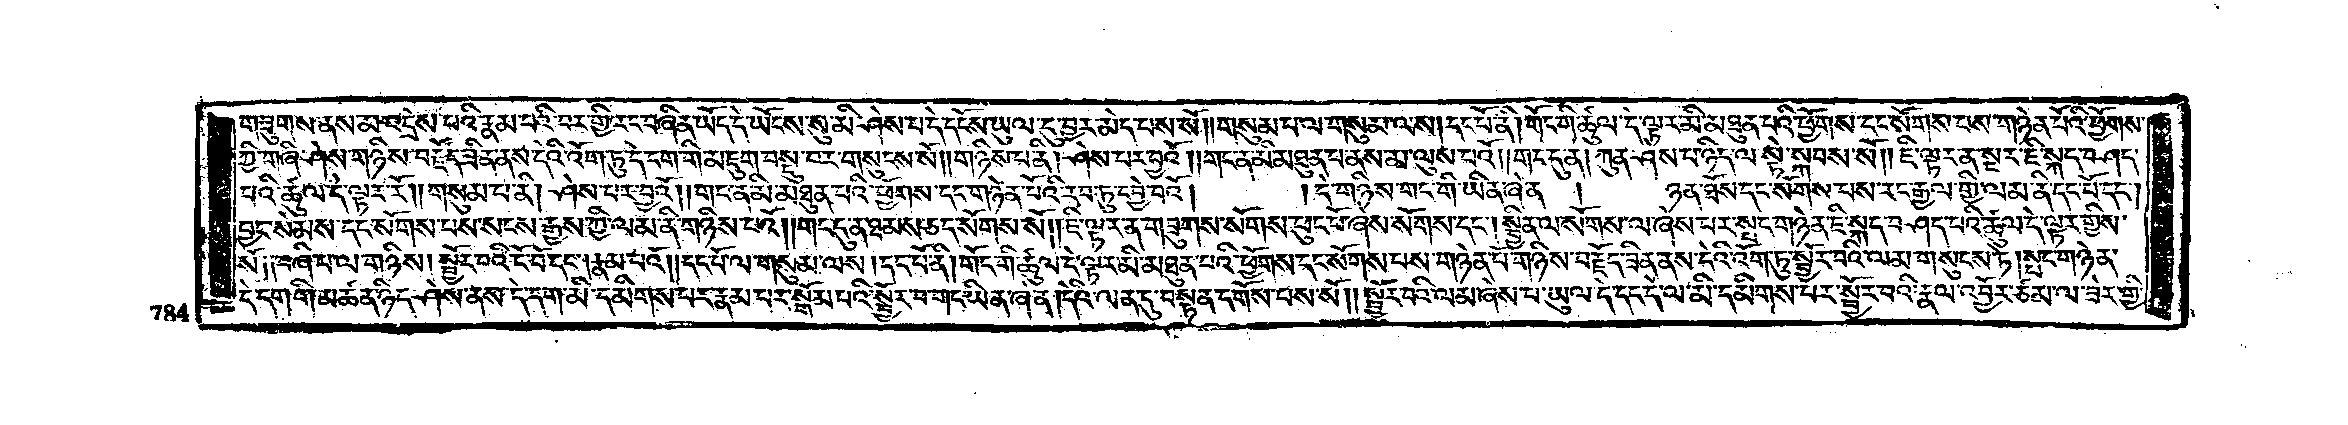གཟུགས་ནས་མ་འདྲེས་པའི་རྣམ་པའི་བར་གྱི་རང་བཞིན་ཡོད་དེ་ཡོངས་སུ་མི་ཤེས་པ་དེ་དངོས་ཡུལ་དུ་བྱར་མེད་པས་སོ། །གསུམ་པ་ལ་གསུམ་ལས། དང་པོ་ནི། གོང་གི་ཚུལ་དེ་ལྟར་མི་མཐུན་པའི་ཕྱོགས་དང་སོགས་པས་གཉེན་པོའི་ཕྱོགས་
ཀྱི་གཞི་ཤེས་གཉིས་བརྗོད་ཟིན་ནས་དེའི་འོག་ཏུ་དེ་དག་གི་མཇུག་བསྡུ་བར་གསུངས་སོ། །གཉིས་པ་ནི། ཤེས་པར་བྱའོ། །གང་ན་མི་མཐུན་པ་ནས་མ་ལུས་པའོ། །གང་དུ་ན། ཀུན་ཤེས་པ་ཉིད་ལ་སྟེ་སྐབས་སོ། །ཇི་ལྟར་ན་སྔར་ཇི་སྐད་བཤད་
པའི་ཚུལ་དེ་ལྟར་རོ། །གསུམ་པ་ནི། ཤེས་པར་བྱའོ། །གང་ན་མི་མཐུན་པའི་ཕྱོགས་དང་གཉེན་པོའི་རབ་ཏུ་དབྱེ་བའོ། །དེ་གཉིས་གང་གི་ཡིན་ཞེ་ན། ཉན་ཐོས་དང་སོགས་པས་རང་རྒྱལ་གྱི་ལམ་ནི་དང་པོ་དང་།
བྱང་སེམས་དང་སོགས་པས་སངས་རྒྱས་ཀྱི་ལམ་ནི་གཉིས་པའོ། །གང་དུ་ན་ཐམས་ཅད་སོགས་སོ། །ཇི་ལྟར་ན་གཟུགས་སོགས་ཕུང་པོ་ཞེས་སོགས་དང་། སྦྱིན་ལ་སོགས་ལ་ཞེས་པར་སྤང་གཉེན་ཇི་སྐད་བཤད་པའི་ཚུལ་དེ་ལྟར་གྱིས་
སོ། །བཞི་པ་ལ་གཉིས། སྦྱོར་བའི་ངོ་བོ་དང་། རྣམ་པའོ། །དང་པོ་ལ་གསུམ་ལས། དང་པོ་ནི། གོང་གི་ཚུལ་དེ་ལྟར་མི་མཐུན་པའི་ཕྱོགས་དང་སོགས་པས་གཉེན་པོ་གཉིས་བརྗོད་ཟིན་ནས་དེའི་འོག་ཏུ་སྦྱོར་བའི་ལམ་གསུངས་ཏེ། སྤང་གཉེན་
དེ་དག་གི་མཚན་ཉིད་ཤེས་ནས་དེ་དག་མི་དམིགས་པར་རྣམ་པར་སྒོམ་པའི་སྦྱོར་བ་གང་ཡིན་ཞེ་ན། དེའི་ལན་དུ་བསྟན་དགོས་པས་སོ། །སྦྱོར་བའི་ལམ་ཞེས་པ་ཡུལ་དེ་དང་དེ་ལ་མི་དམིགས་པར་སྦྱོར་བའི་རྣལ་འབྱོར་ཙམ་ལ་ཟེར་གྱི་